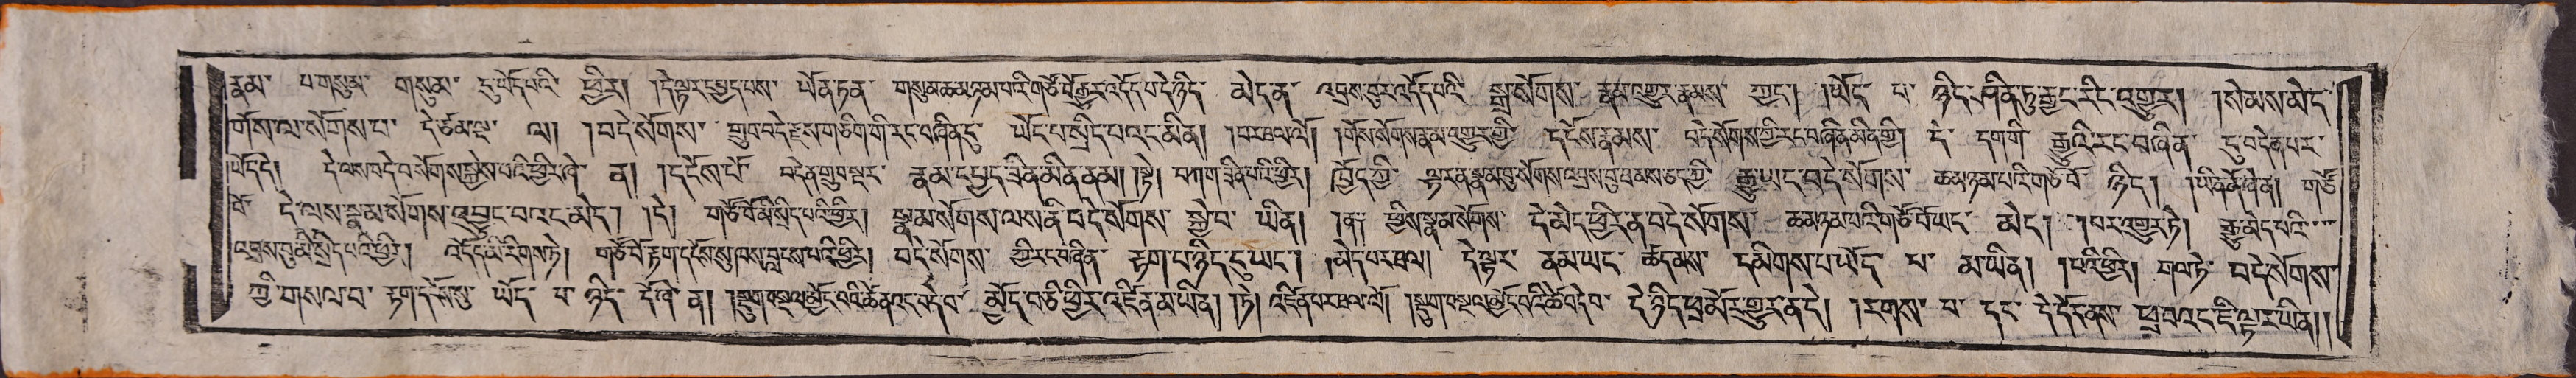རྣམ་པ་གསུམ་གསུམ་དུ་ཡོད་པའི་ཕྱིར། །དེ་ལྟར་དཔྱད་པས་ཡོན་ཏན་གསུམ་ཆ་མཉམ་པའི་གཙོ་བོ་རྒྱུར་འདོད་པ་དེ་ཉིད་མེད་ན་འབྲས་བུར་འདོད་པའི་སྒྲ་སོགས་རྣམ་འགྱུར་རྣམས་ཀྱང་། །ཡོད་པ་ཉིད་ཤིན་ཏུ་རྒྱང་རིང་འགྱུར། །སེམས་མེད་
གོས་ལ་སོགས་པ་དེ་ཙམ་ལྔ་ལ། བདེ་སོགས་གྲུབ་བདེ་རྫས་གཅིག་གི་རང་བཞིན་དུ་ཡོད་པ་སྲིད་པའང་མིན། །པར་ཐལ་ལོ། །གོས་སོགས་རྣམ་འགྱུར་གྱི་དངོས་རྣམས་བདེ་སོགས་ཀྱི་རང་བཞིན་མིན་གྱི།  དེ་དག་གི་རྒྱུའི་རང་བཞིན་དུ་བདེན་པར་
ཡོད་དེ། དེ་ལས་བདེ་བ་སོགས་སྐྱེས་པའི་ཕྱིར་ཞེ་ན། །དངོས་པོ་བདེན་གྲུབ་སྔར་རྣམ་དཔྱད་ཟིན་མིན་ནམ། །སྟེ། བཀག་ཟིན་པའི་ཕྱིར།  ཁྱོད་ཀྱི་ལྟར་ན་སྣམ་བུ་སོགས་འབྲས་བུ་ཐམས་ཅད་ཀྱི་རྒྱུ་ཡང་བདེ་སོགས་ཆ་མཉམ་པའི་གཙོ་བོ་ཉིད། །ཡིན་ནོ་ཞེ་ན། གཙོ་
བོ་དེ་ལས་སྣམ་སོགས་འབྱུང་བའང་མེད། །དེ། གཙོ་བོ་མི་སྲིད་པའི་ཕྱིར།  སྣམ་སོགས་ལས་ནི་བདེ་སོགས་སྐྱེ་བ་ཡིན། །ན༑ ཕྱིས་སྣམ་སོགས་དེ་མེད་ཕྱིར་ན་བདེ་སོགས་ཆ་མཉམ་པའི་གཙོ་བོ་ཡང་མེད། །པར་འགྱུར་ཏེ། རྒྱུ་མེད་པའི་
འབྲས་བུ་མི་སྲིད་པའི་ཕྱིར། འདོད་མི་རིགས་ཏེ། གཙོ་བོ་རྟག་དངོས་སུ་ཁས་བླངས་པའི་ཕྱིར། བདེ་སོགས་ཀྱི་རང་བཞིན་རྟག་པ་ཉིད་དུ་ཡང་། །མེད་པར་ཐལ། དེ་ལྟར་ནམ་ཡང་ཚད་མས་དམིགས་པ་ཡོད་པ་མ་ཡིན། །པའི་ཕྱིར། གལ་ཏེ་བདེ་སོགས་
ཀྱི་གསལ་བ་རྟག་དངོས་སུ་ཡོད་པ་ཉིད་དོ་ཞེ་ན། །སྡུག་བསྔལ་མྱོང་བའི་ཚེ་ནའང་བདེ་བ་མྱོང་བ་ཅི་ཕྱིར་འཛིན་མ་ཡིན། །ཏེ། འཛིན་པར་ཐལ་ལོ། །སྡུག་བསྔལ་མྱོང་བའི་ཚེ་བདེ་པ་དེ་ཉིད་ཕྲ་མོར་གྱུར་ན་དེ། །རགས་པ་དང་དེ་དོར་ནས་ཕྲ་བའང་ཇི་ལྟར་ཡིན། །